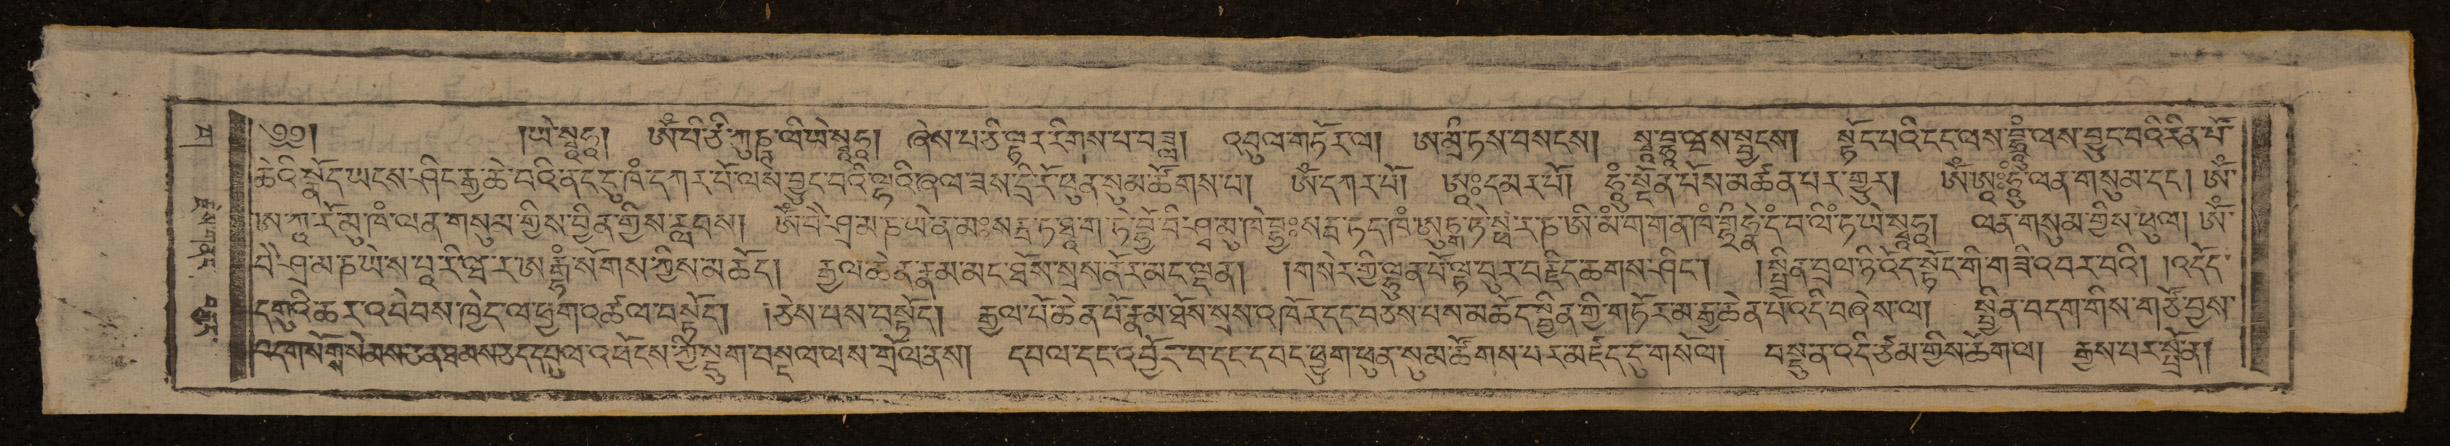༄༅། །ཡེ་སྭཱཧཱ། ཨོཾ་བི་ཙི་ཀུཎྚ་ལི་ཡེ་སྭཱཧཱ། ཞེས་པ་ཅི་ལྟར་རིགས་པ་བཟླ། འབུལ་གཏོར་ལ། ཨ་མྲྀ་ཏས་བསངས། སྭཱ་བྷཱ་ཡས་སྦྱངས། སྟོང་པའི་ངང་ལས་བྷྲཱུཾ་ལས་བྱུང་པའི་རིན་པོ་
ཆེའི་སྣོད་ཡངས་ཤིང་རྒྱ་ཆེ་པའི་ནང་དུ་ཁཾ་དཀར་པོ་ལས་བྱུང་བའི་ལྷའི་ཞལ་ཟས་དྲི་རོ་ཕུན་སུམ་ཚོགས་པ། ཨོཾ་དཀར་པོ། ཨཱཿདམར་པོ། ཧཱུཾ་སྔོན་པོས་མཚན་པར་གྱུར། ཨོཾ་ཨཱཿཧཱུཾ་ལན་གསུམ་དང་། ཨོཾ་
ཨ་ཀཱ་རོ་མུ་ཁཾ་ལན་གསུམ་གྱིས་བྱིན་གྱིས་རླབས། ཨོཾ་བཻ་ཤྲ་མ་ཎ་ཡེ་ན་མཿསརྦ་ཏ་ཐཱ་ག་ཏེ་བྷྱོ་བི་ཤ་མུ་ཁེ་བྷྱཿསརྦ་ཏ་ད་ཁཾ་ཨུཏྒ་ཏེ་སྥ་ར་ཎ་ཨི་མཾ་ག་ག་ན་ཁཾ་གྷྲྀཧྣེ་དཾ་བ་ལིཾ་ཏ་ཡེ་སྭཱཧཱ། ལན་གསུམ་གྱིས་ཕུལ། ཨོཾ་
བཻ་ཤྲ་མ་ཎ་ཡེ་ས་པཱ་རི་ཝ་ར་ཨརྒྷཾ་སོགས་ཀྱིས་མཆོད། རྒྱལ་ཆེན་རྣམ་མང་ཐོས་སྲས་ནོར་མང་ལྡན། །གསེར་གྱི་ལྷུན་པོ་ལྟ་བུར་བརྗིད་ཆགས་ཤིང་། །སྤྲིན་བྲལ་ཉི་འོད་སྟོང་གི་གཟི་འབར་བའི། །འདོད་
དགུའི་ཆར་འབེབས་ཁྱེད་ལ་ཕྱག་འཚལ་བསྟོད། །ཅེས་པས་བསྟོད། རྒྱལ་པོ་ཆེན་པོ་རྣམ་ཐོས་སྲས་འཁོར་དང་བཅས་པས་མཆོད་སྦྱིན་གྱི་གཏོར་མ་རྒྱ་ཆེན་པོ་འདི་བཞེས་ལ། སྦྱིན་བདག་གིས་གཙོ་བྱས་
བདག་སོགས་སེམས་ཅན་ཐམས་ཅད་དངུལ་འཕོངས་ཀྱི་སྡུག་བསྔལ་ལས་གྲོལ་ནས། དཔལ་དང་འབྱོར་པ་དང་དབང་ཕྱུག་ཕུན་སུམ་ཚོགས་པར་མཛད་དུ་གསོལ། བསྡུ་ན་འདི་ཙམ་གྱིས་ཆོག་ལ། རྒྱས་པར་སྤྲོ་ན།